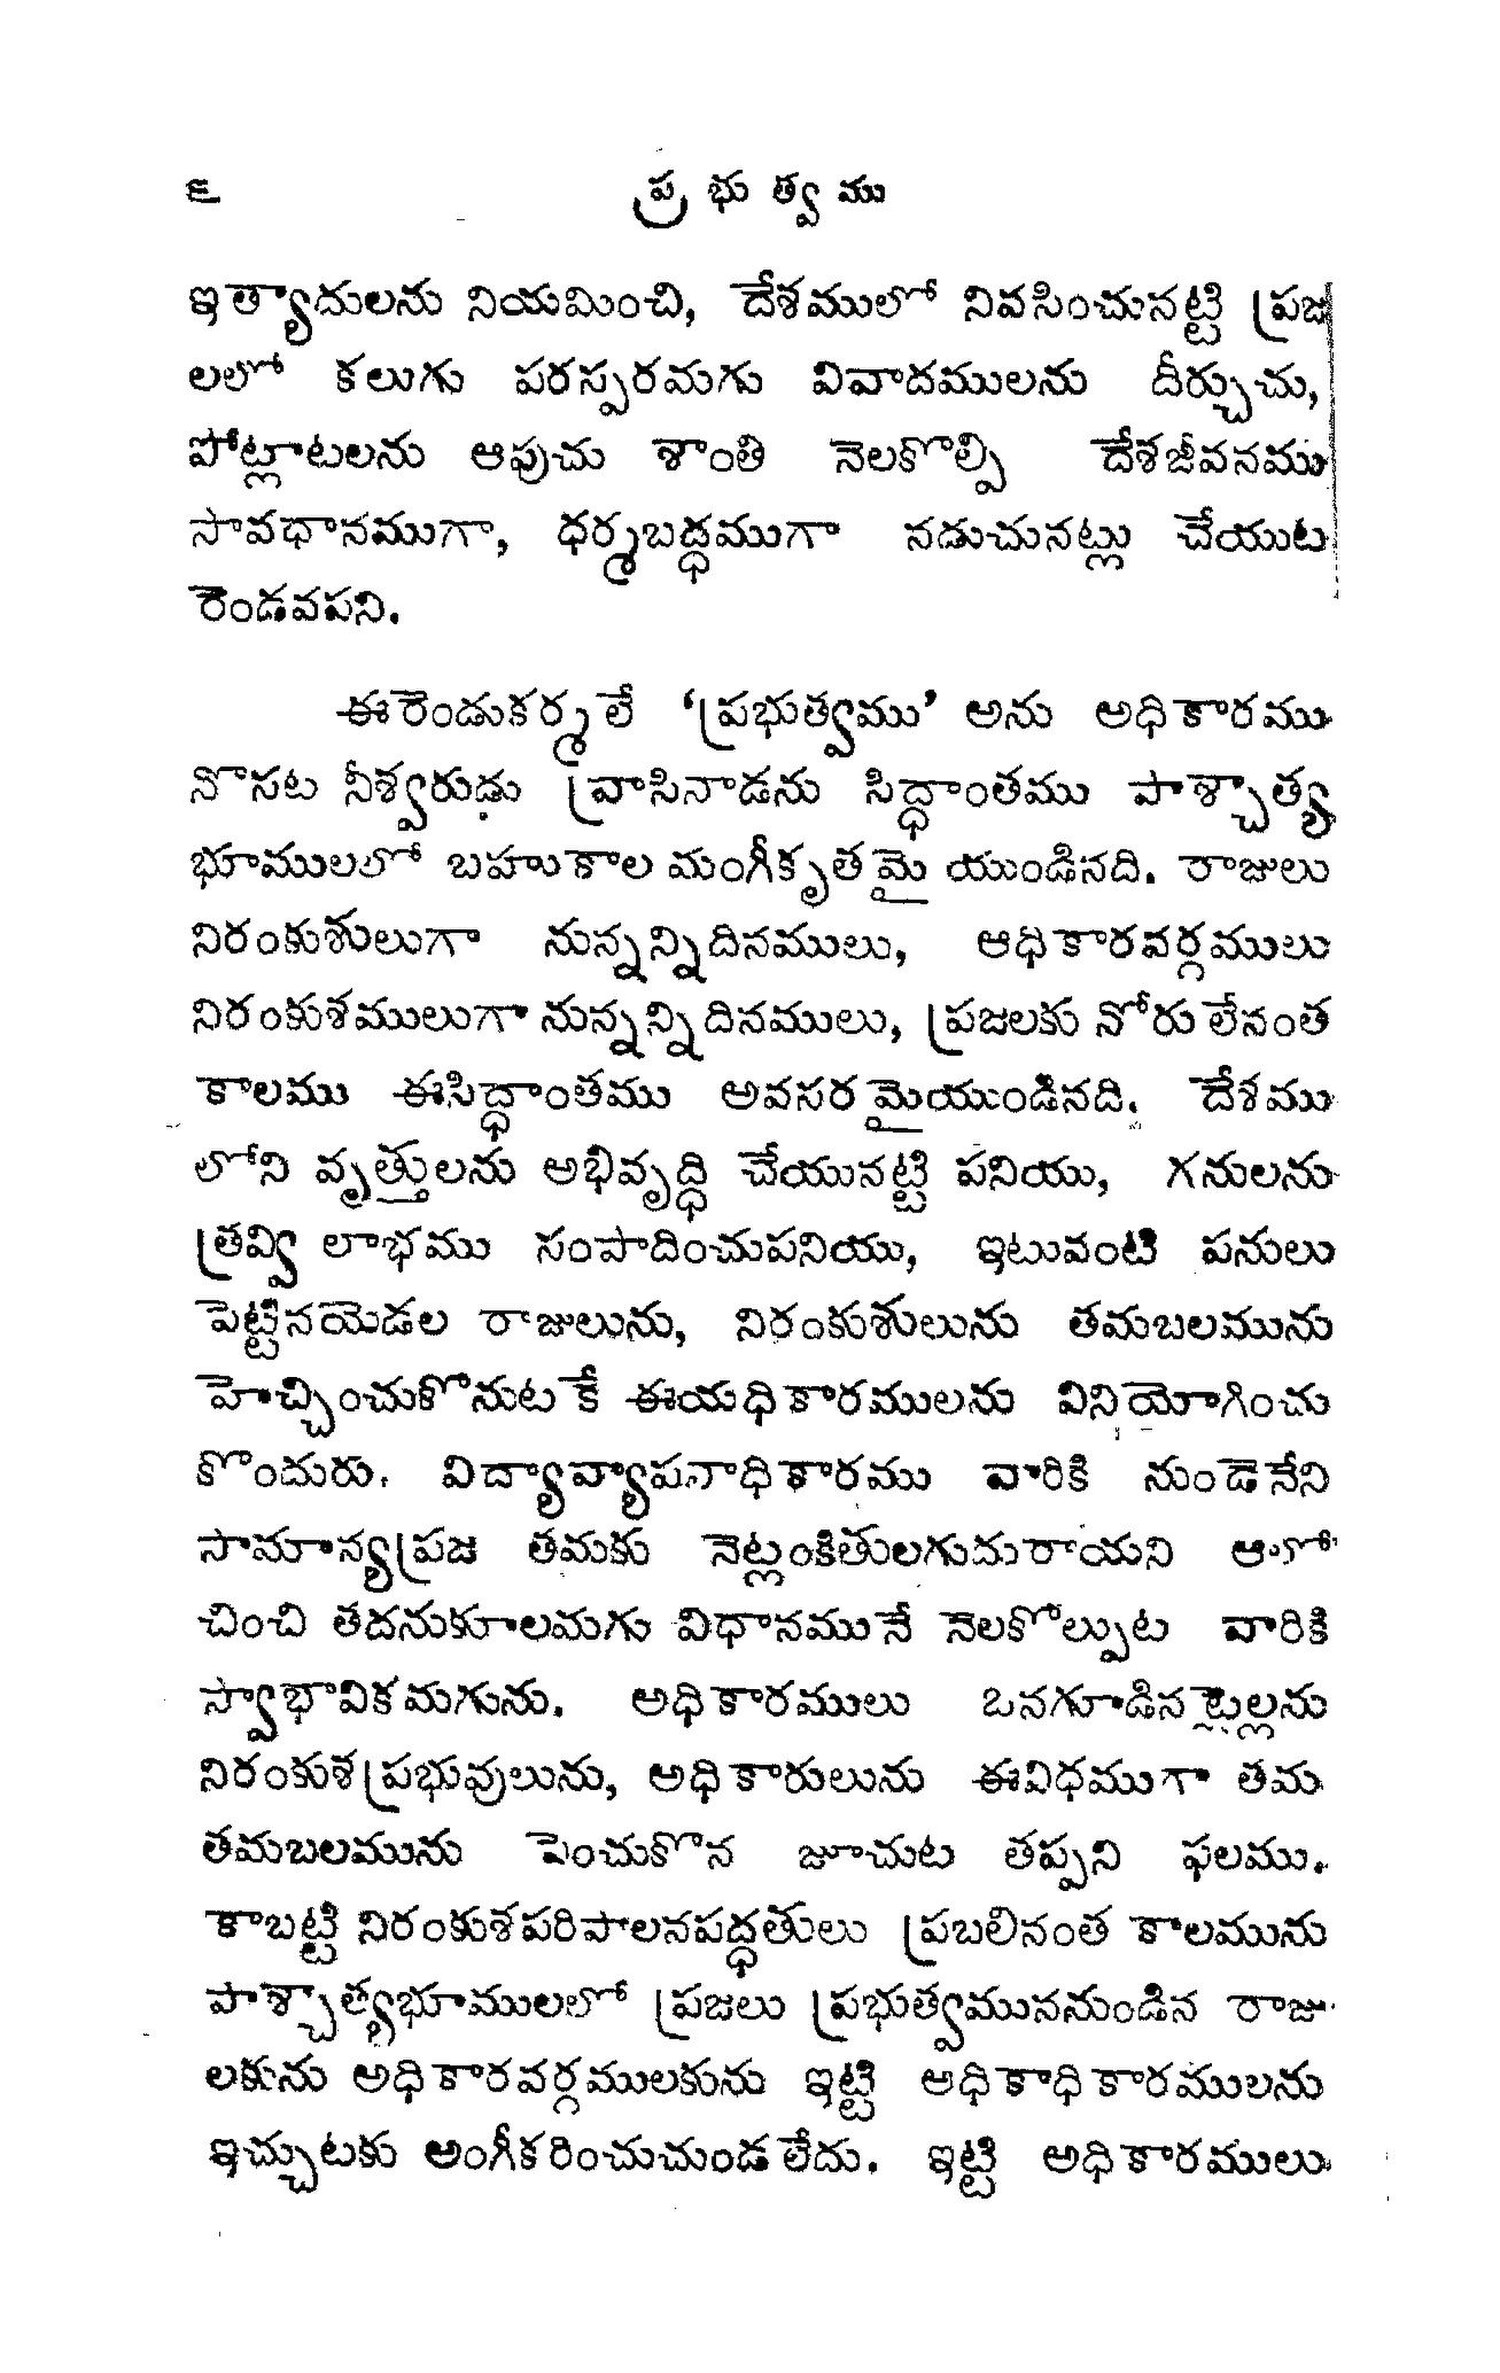ఇత్యాదులను నియమించి, దేశములో నివసించునట్టి ప్రజలలో కలుగు పరస్పరమగు వివాదములను దీర్చుచు, పోట్లాటలను ఆపుచు శాంతి నెలకొల్పి దేశజీవనము సావధానముగా, ధర్మబద్ధముగా నడుచునట్లు చేయుట రెండవపని.

ఈరెండుకర్మలే 'ప్రభుత్వము' అను అధికారము నొసట నీశ్వరుడు వ్రాసినాడను సిద్ధాంతము పాశ్చాత్య
భూములలో బహుకాల మంగీకృతమై యుండినది. రాజులు నిరంకుశులుగా నున్నన్నిదినములు, అధికారవర్గములు నిరంకుశములుగా నున్నన్నిదినములు, ప్రజలకు నోరు లేనంతకాలము ఈసిద్ధాంతము అవసరమైయుండినది. దేశములోని వృత్తులను అభివృద్ధి చేయునట్టి పనియు, గనులను త్రవ్వి లాభము సంపాదించుపనియు, ఇటువంటి పనులు పెట్టినయెడల రాజులును, నిరంకుశులును తమబలమును హెచ్చించుకొనుటకే ఈయధికారములను వినియోగించు కొందురు. విద్యావ్యాపనాధికారము వారికి నుండెనేని సామాన్యప్రజ తమకు నెట్లంకితులగుదురాయని ఆలోచించి తదనుకూలమగు విధానమునే నెలకొల్పుట వారికి స్వాభావికమగును. అధికారములు ఒనగూడినట్లెల్లను నిరంకుశప్రభువులును, అధికారులును ఈవిధముగా తమ తమబలమును పెంచుకొన జూచుట తప్పని ఫలము. కాబట్టి నిరంకుశపరిపాలనపద్ధతులు ప్రబలినంత కాలమును
పాశ్చాత్యభూములలో ప్రజలు ప్రభుత్వముననుండిన రాజులకును అధికారవర్గములకును ఇట్టి అధికాధికారములను ఇచ్చుటకు అంగీకరించుచుండలేదు. ఇట్టి అధికారములు